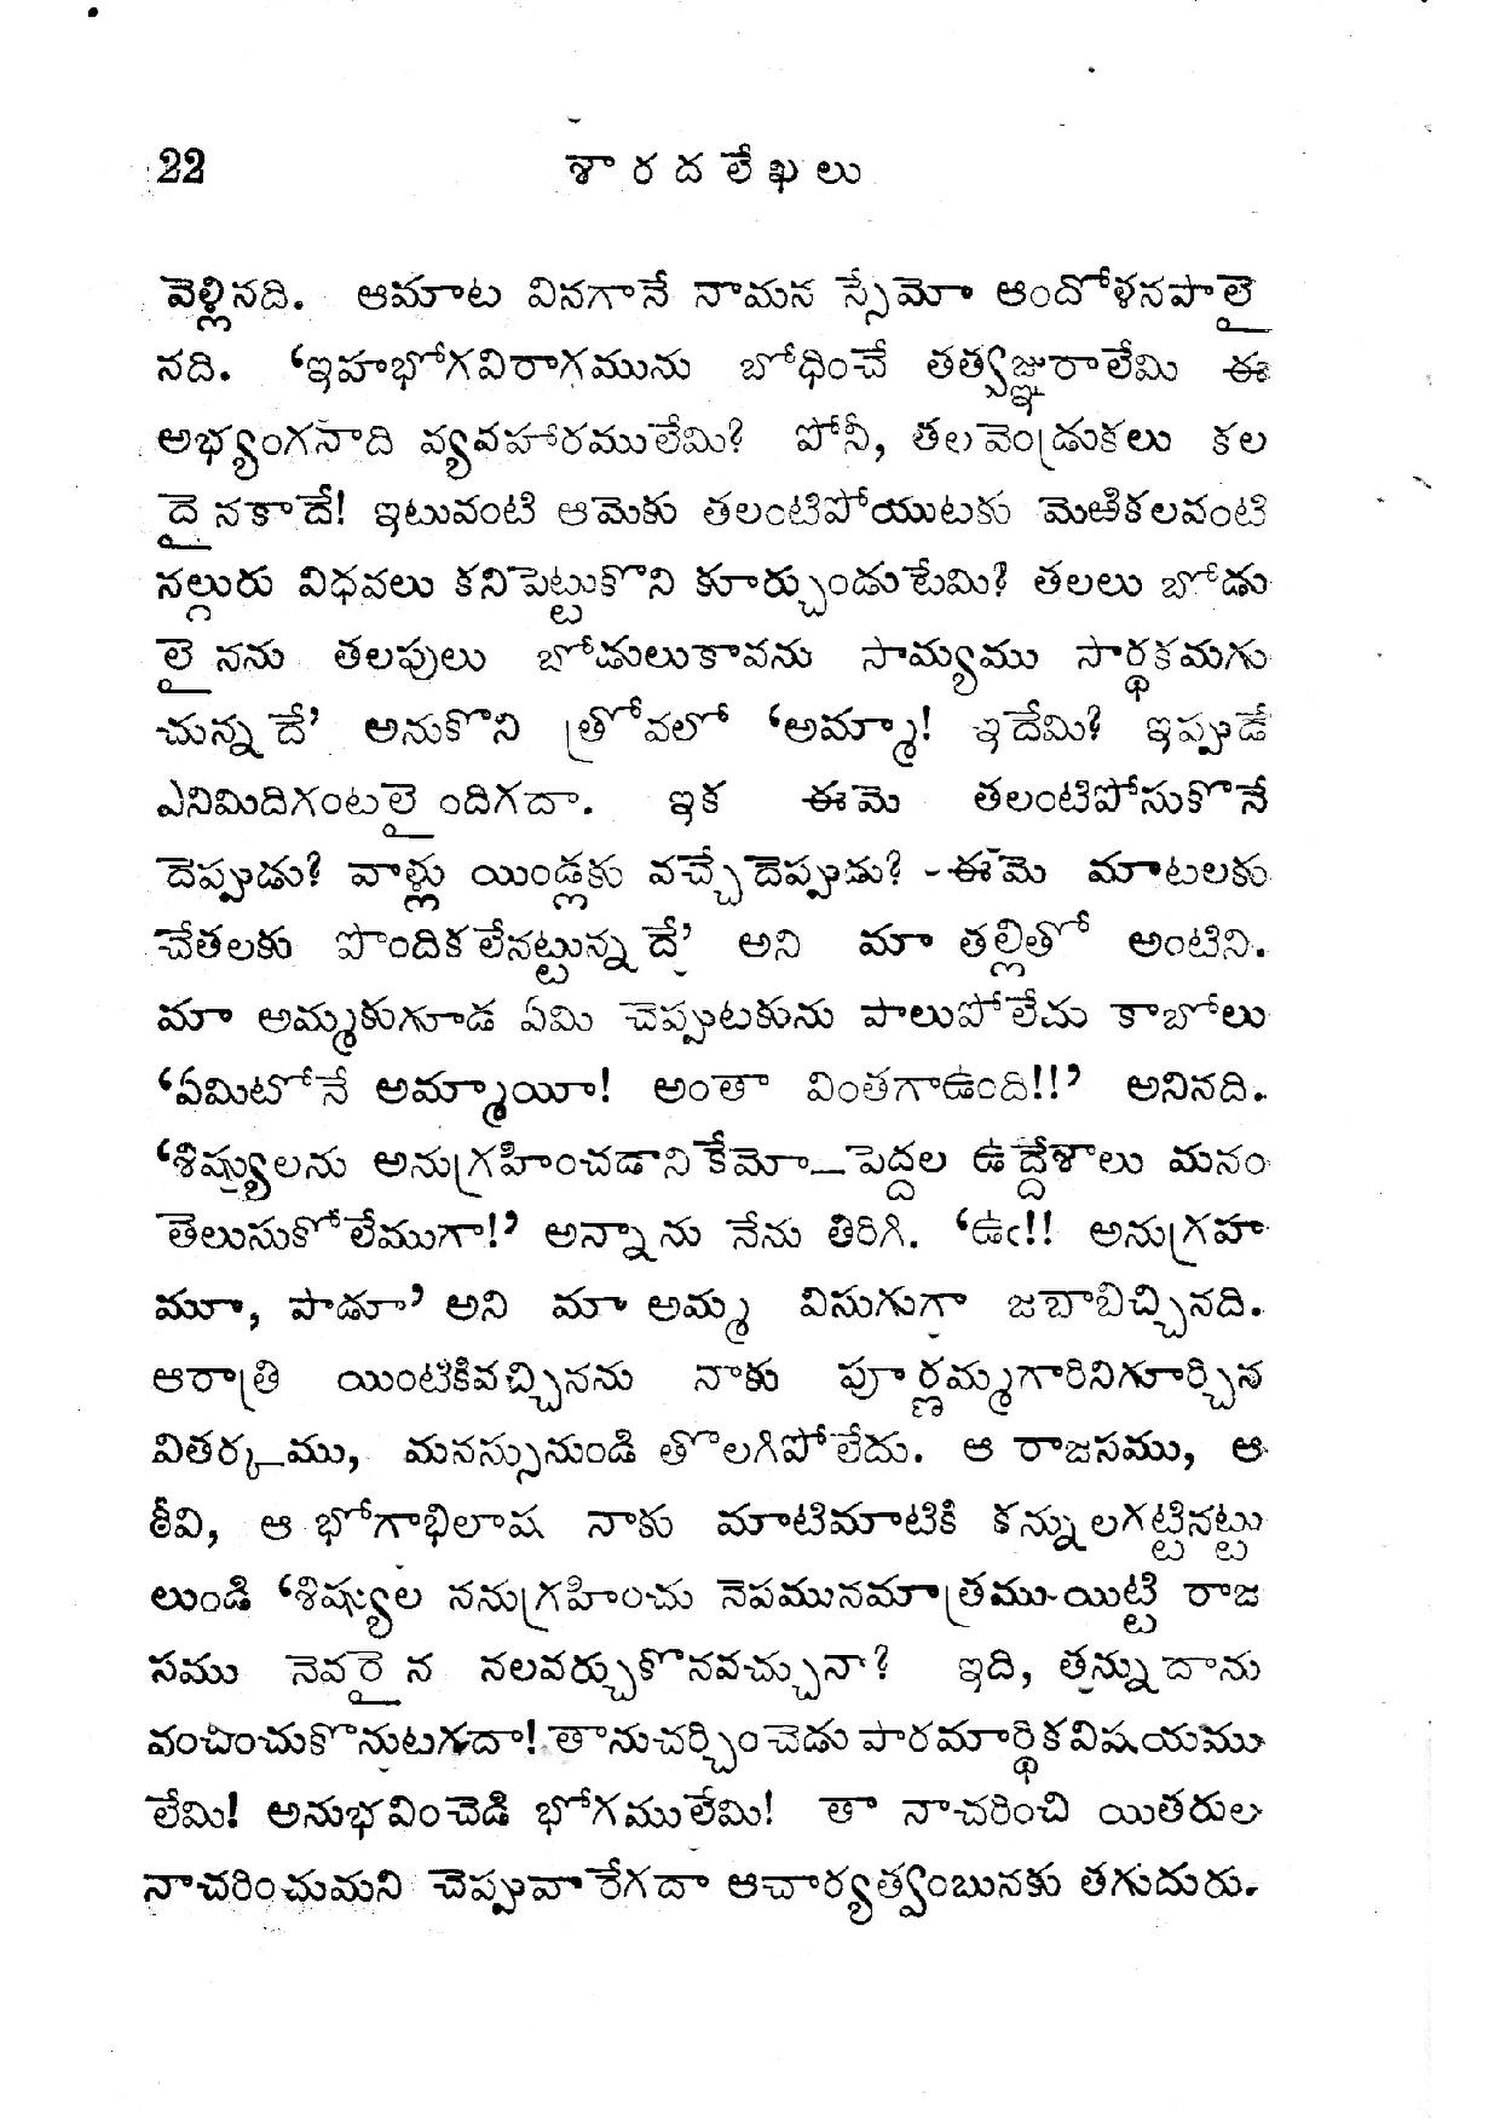వెళ్లినది. ఆమాట వినగానే నామన స్సేమో ఆందోళనపాలై
నది. 'ఇహభోగవిరాగమును బోధించే తత్వజ్ఞురాలేమి ఈ
అభ్యంగనాది వ్యవహారములేమి? పోనీ, తలవెండ్రుకలు కల
దైనకాదే! ఇటువంటి ఆమెకు తలంటి పోయుటకు మెఱికలవంటి
నల్గురు విధవలు కని పెట్టుకొని కూర్చుండుటేమి? తలలు బోడు
లై నను తలపులు బోడులుకావను సామ్యము సార్థకమగు
చున్నదే' అనుకొని త్రోవలో 'అమ్మా! ఇదేమి? ఇప్పుడే
ఎనిమిదిగంటలైందిగదా. ఇక ఈమె తలంటిపోసుకొనే
దెప్పుడు? వాళ్లు యిండ్లకు వచ్చేదెప్పుడు? ఈమె మాటలకు
చేతలకు పొందిక లేనట్టున్నదే' అని మా తల్లితో అంటిని.
మా అమ్మకుగూడ ఏమి చెప్పుటకును పాలుపోలేదు కాబోలు
'ఏమిటోనే అమ్మాయీ! అంతా వింతగా ఉంది!!" అనినది.
'శిష్యులను అనుగ్రహించడానికేమో__ పెద్దల ఉద్దేశాలు మనం
తెలుసుకోలేముగా!' అన్నాను నేను తిరిగి. 'ఉఁ!! అనుగ్రహ
మూ, పాడూ” అని మా అమ్మ విసుగుగా జబాబిచ్చినది.
ఆరాత్రి యింటికివచ్చినను నాకు పూర్ణమ్మగారిని గూర్చిన
వితర్కము, మనస్సునుండి తొలగిపోలేదు. ఆ రాజసము, ఆ
ఠీవి, ఆ భోగాభిలాష నాకు మాటిమాటికి కన్నులగట్టినట్టు
లుండి 'శిష్యుల ననుగ్రహించు నెపమునమాత్రము యిట్టి రాజు
సము నెవరైన నలవర్చుకొనవచ్చునా? ఇది, తన్ను దాను
వంచించుకొనుటగదా! తాను చర్చించెడు పారమార్థిక విషయము
లేమి! అనుభవించెడి భోగములేమి! తా నాచరించి యితరులు
నాచరించుమని చెప్పువారేగదా ఆచార్యత్వంబునకు తగుదురు.